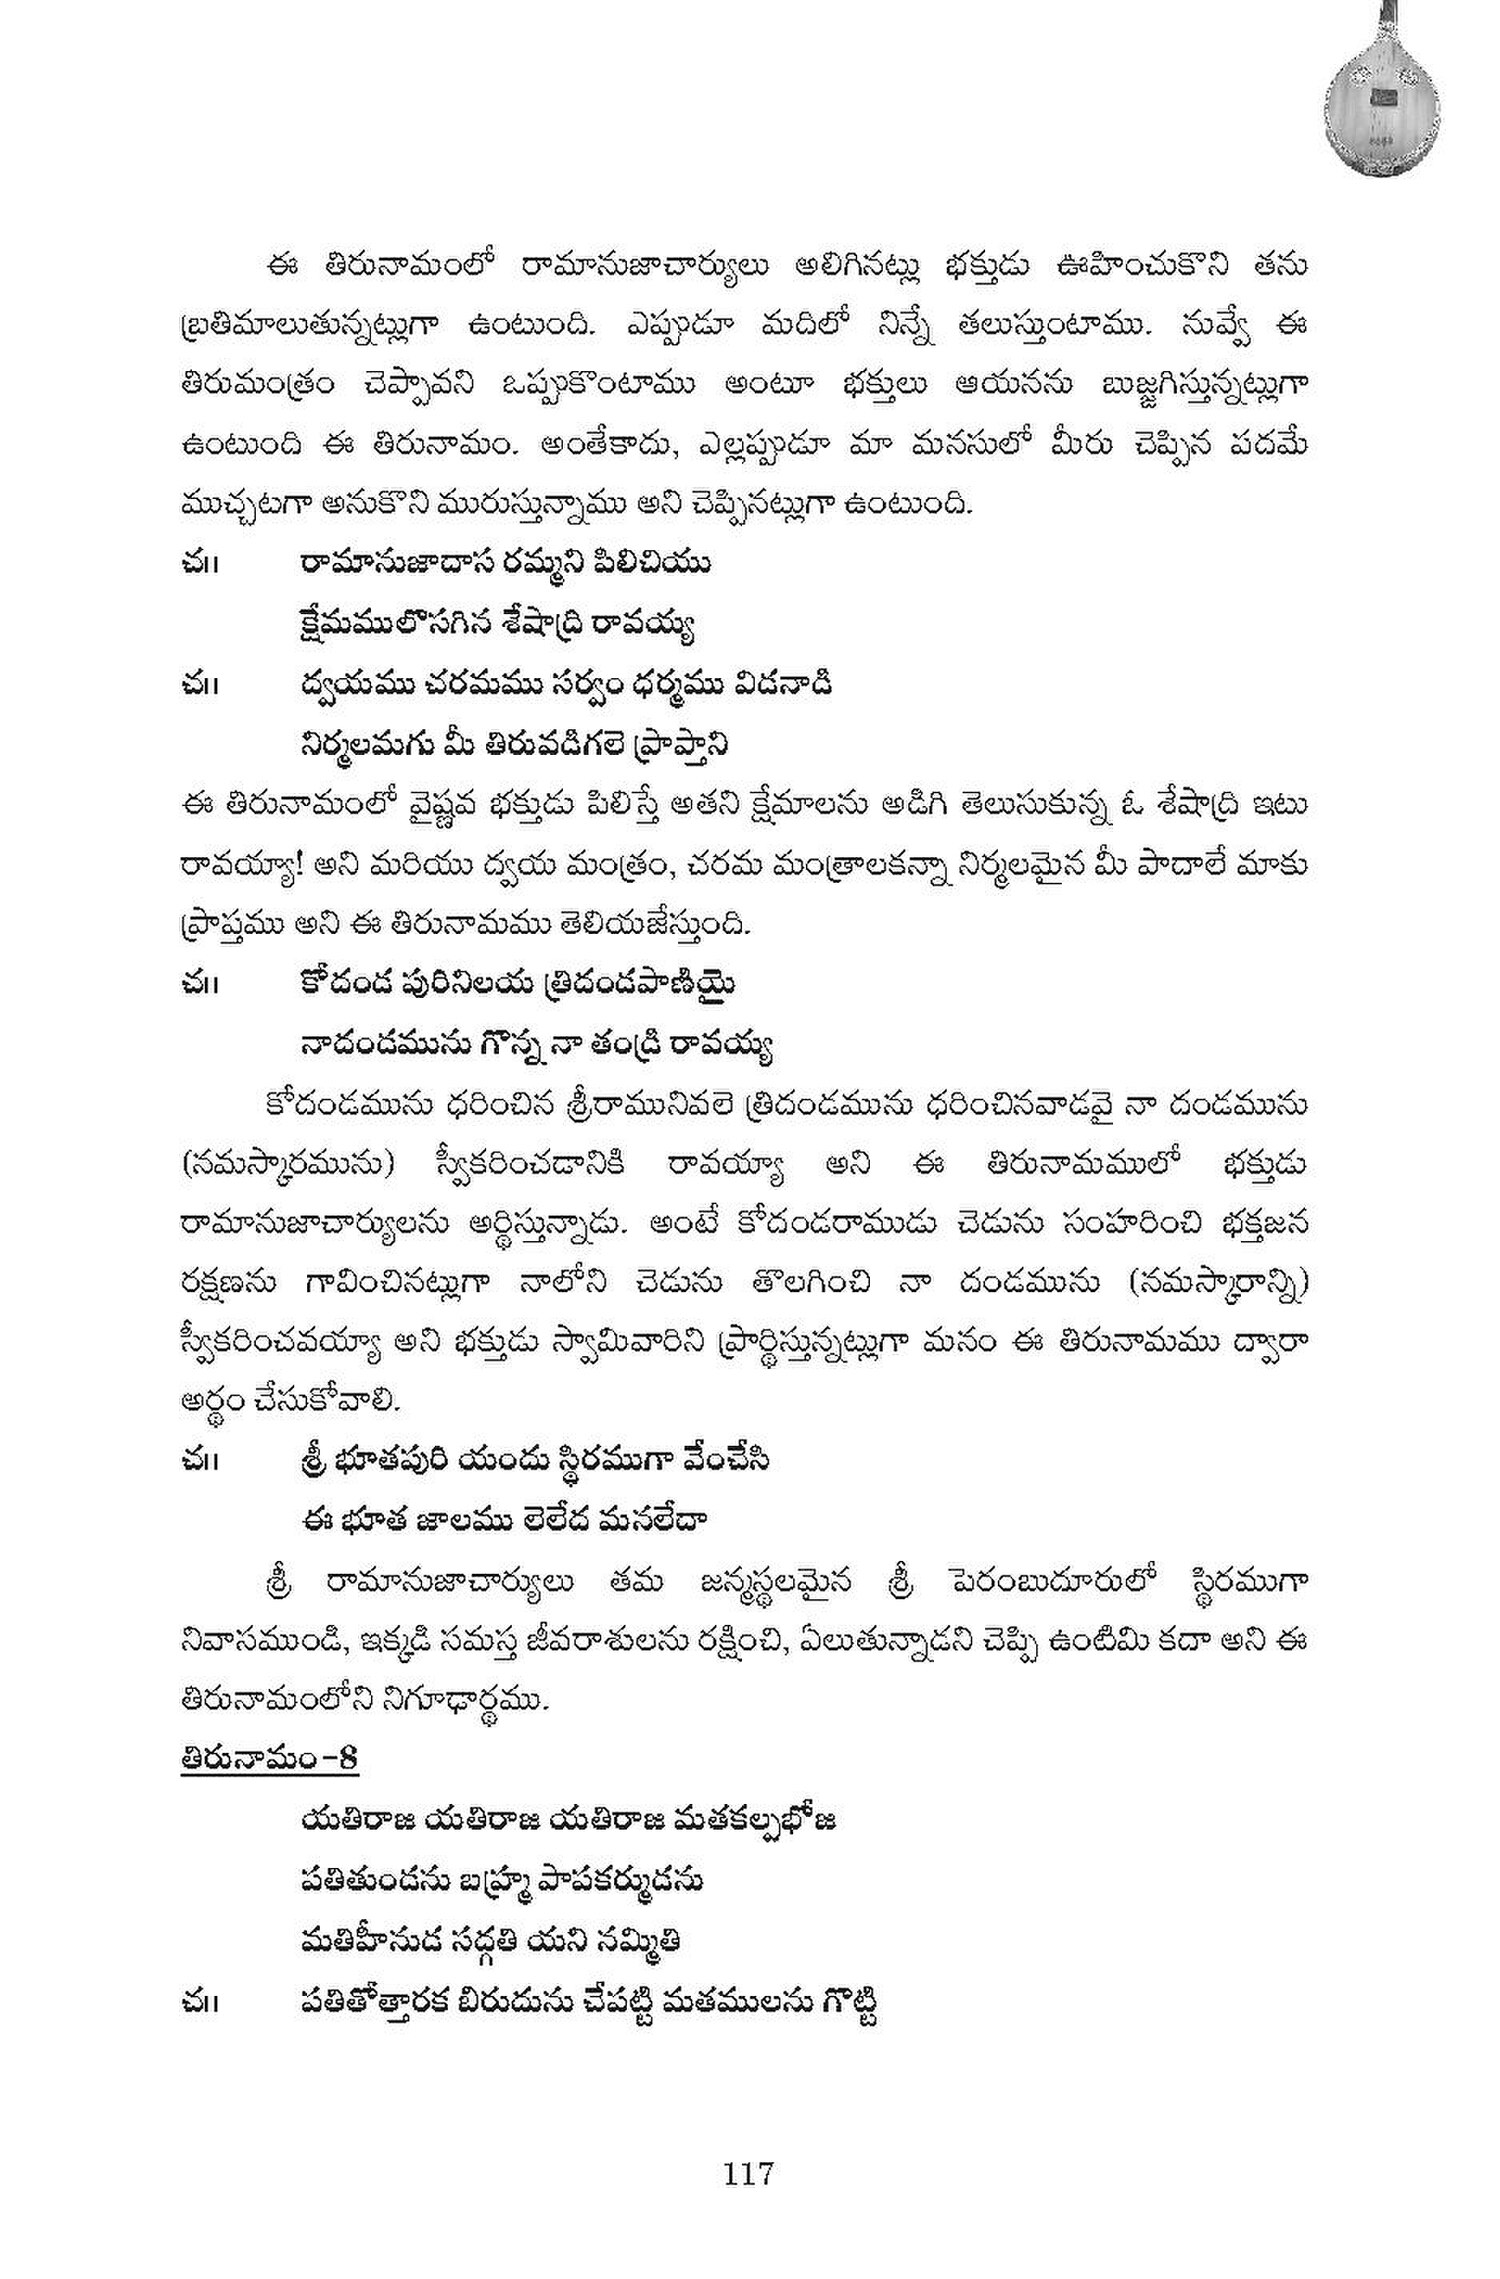ఈ తిరునామంలో రామానుజాచార్యులు అలిగినట్లు భక్తుడు ఊహించుకొని తను బ్రతిమాలుతున్నట్లుగా ఉంటుంది. ఎప్పుడూ మదిలో నిన్నే తలుస్తుంటాము. నువ్వే ఈ తిరుమంత్రం చెప్పావని ఒప్పుకొంటాము అంటూ భక్తులు ఆయనను బుజ్జగిస్తున్నట్లుగా ఉంటుంది ఈ తిరునామం. అంతేకాదు, ఎల్లప్పుడూ మా మనసులో మీరు చెప్పిన పదమే ముచ్చటగా అనుకొని మురుస్తున్నాము అని చెప్పినట్లుగా ఉంటుంది.

చ౹౹ రామానుజాదాస రమ్మని పిలిచియు
క్షేమము లొసగిన శేషాద్రి రావయ్య

చ౹౹ ద్వయము చరమము సర్వం ధర్మము విడనాడి
నిర్మలమగు మీ తిరువడిగలె ప్రాప్తాని

ఈ తిరునామంలో వైష్ణవ భక్తుడు పిలిస్తే అతని క్షేమాలను అడిగి తెలుసుకున్న ఓ శేషాద్రి ఇటు రావయ్యా! అని మరియు ద్వయ మంత్రం, చరమ మంత్రాలకన్నా నిర్మలమైన మీ పాదాలే మాకు ప్రాప్తము అని ఈ తిరునామము తెలియజేస్తుంది.

కోదండ పురినిలయ త్రిదండపాణియై
నాదండమును గొన్న నా తండ్రి రావయ్య

కోదండమును ధరించిన శ్రీరామునివలె త్రిదండమును ధరించినవాడవై నా దండమును (నమస్కారమును) స్వీకరించడానికి రావయ్యా అని ఈ తిరునామములో భక్తుడు రామానుజాచార్యులను అర్థిస్తున్నాడు. అంటే కోదండరాముడు చెడును సంహరించి భక్తజన రక్షణను గావించినట్లుగా నాలోని చెడును తొలగించి నా దండమును (నమస్కారాన్ని) స్వీకరించవయ్యా అని భక్తుడు స్వామివారిని ప్రార్థిస్తున్నట్లుగా మనం ఈ తిరునామము ద్వారా అర్థం చేసుకోవాలి.

చ౹౹ శ్రీ భూతపురి యందు స్థిరముగా వేంచేసి
ఈ భూత జాలము లెలేద మనలేదా 

శ్రీ రామానుజాచార్యులు తమ జన్మస్థలమైన శ్రీ పెరంబుదూరులో స్థిరముగా నివాసముండి, ఇక్కడి సమస్త జీవరాశులను రక్షించి, ఏలుతున్నాడని చెప్పి ఉంటిమి కదా అని ఈ తిరునామంలోని నిగూఢార్థము.

తిరునామం-8

యతిరాజ యతిరాజ యతిరాజ మతకల్పభోజ
పతితుండను బహ్ర్మ పాపకర్ముడను
మతిహీనుడ సద్గతి యని నమ్మితి
పతితోత్తారక బిరుదును చేపట్టి మతములను గొట్టి